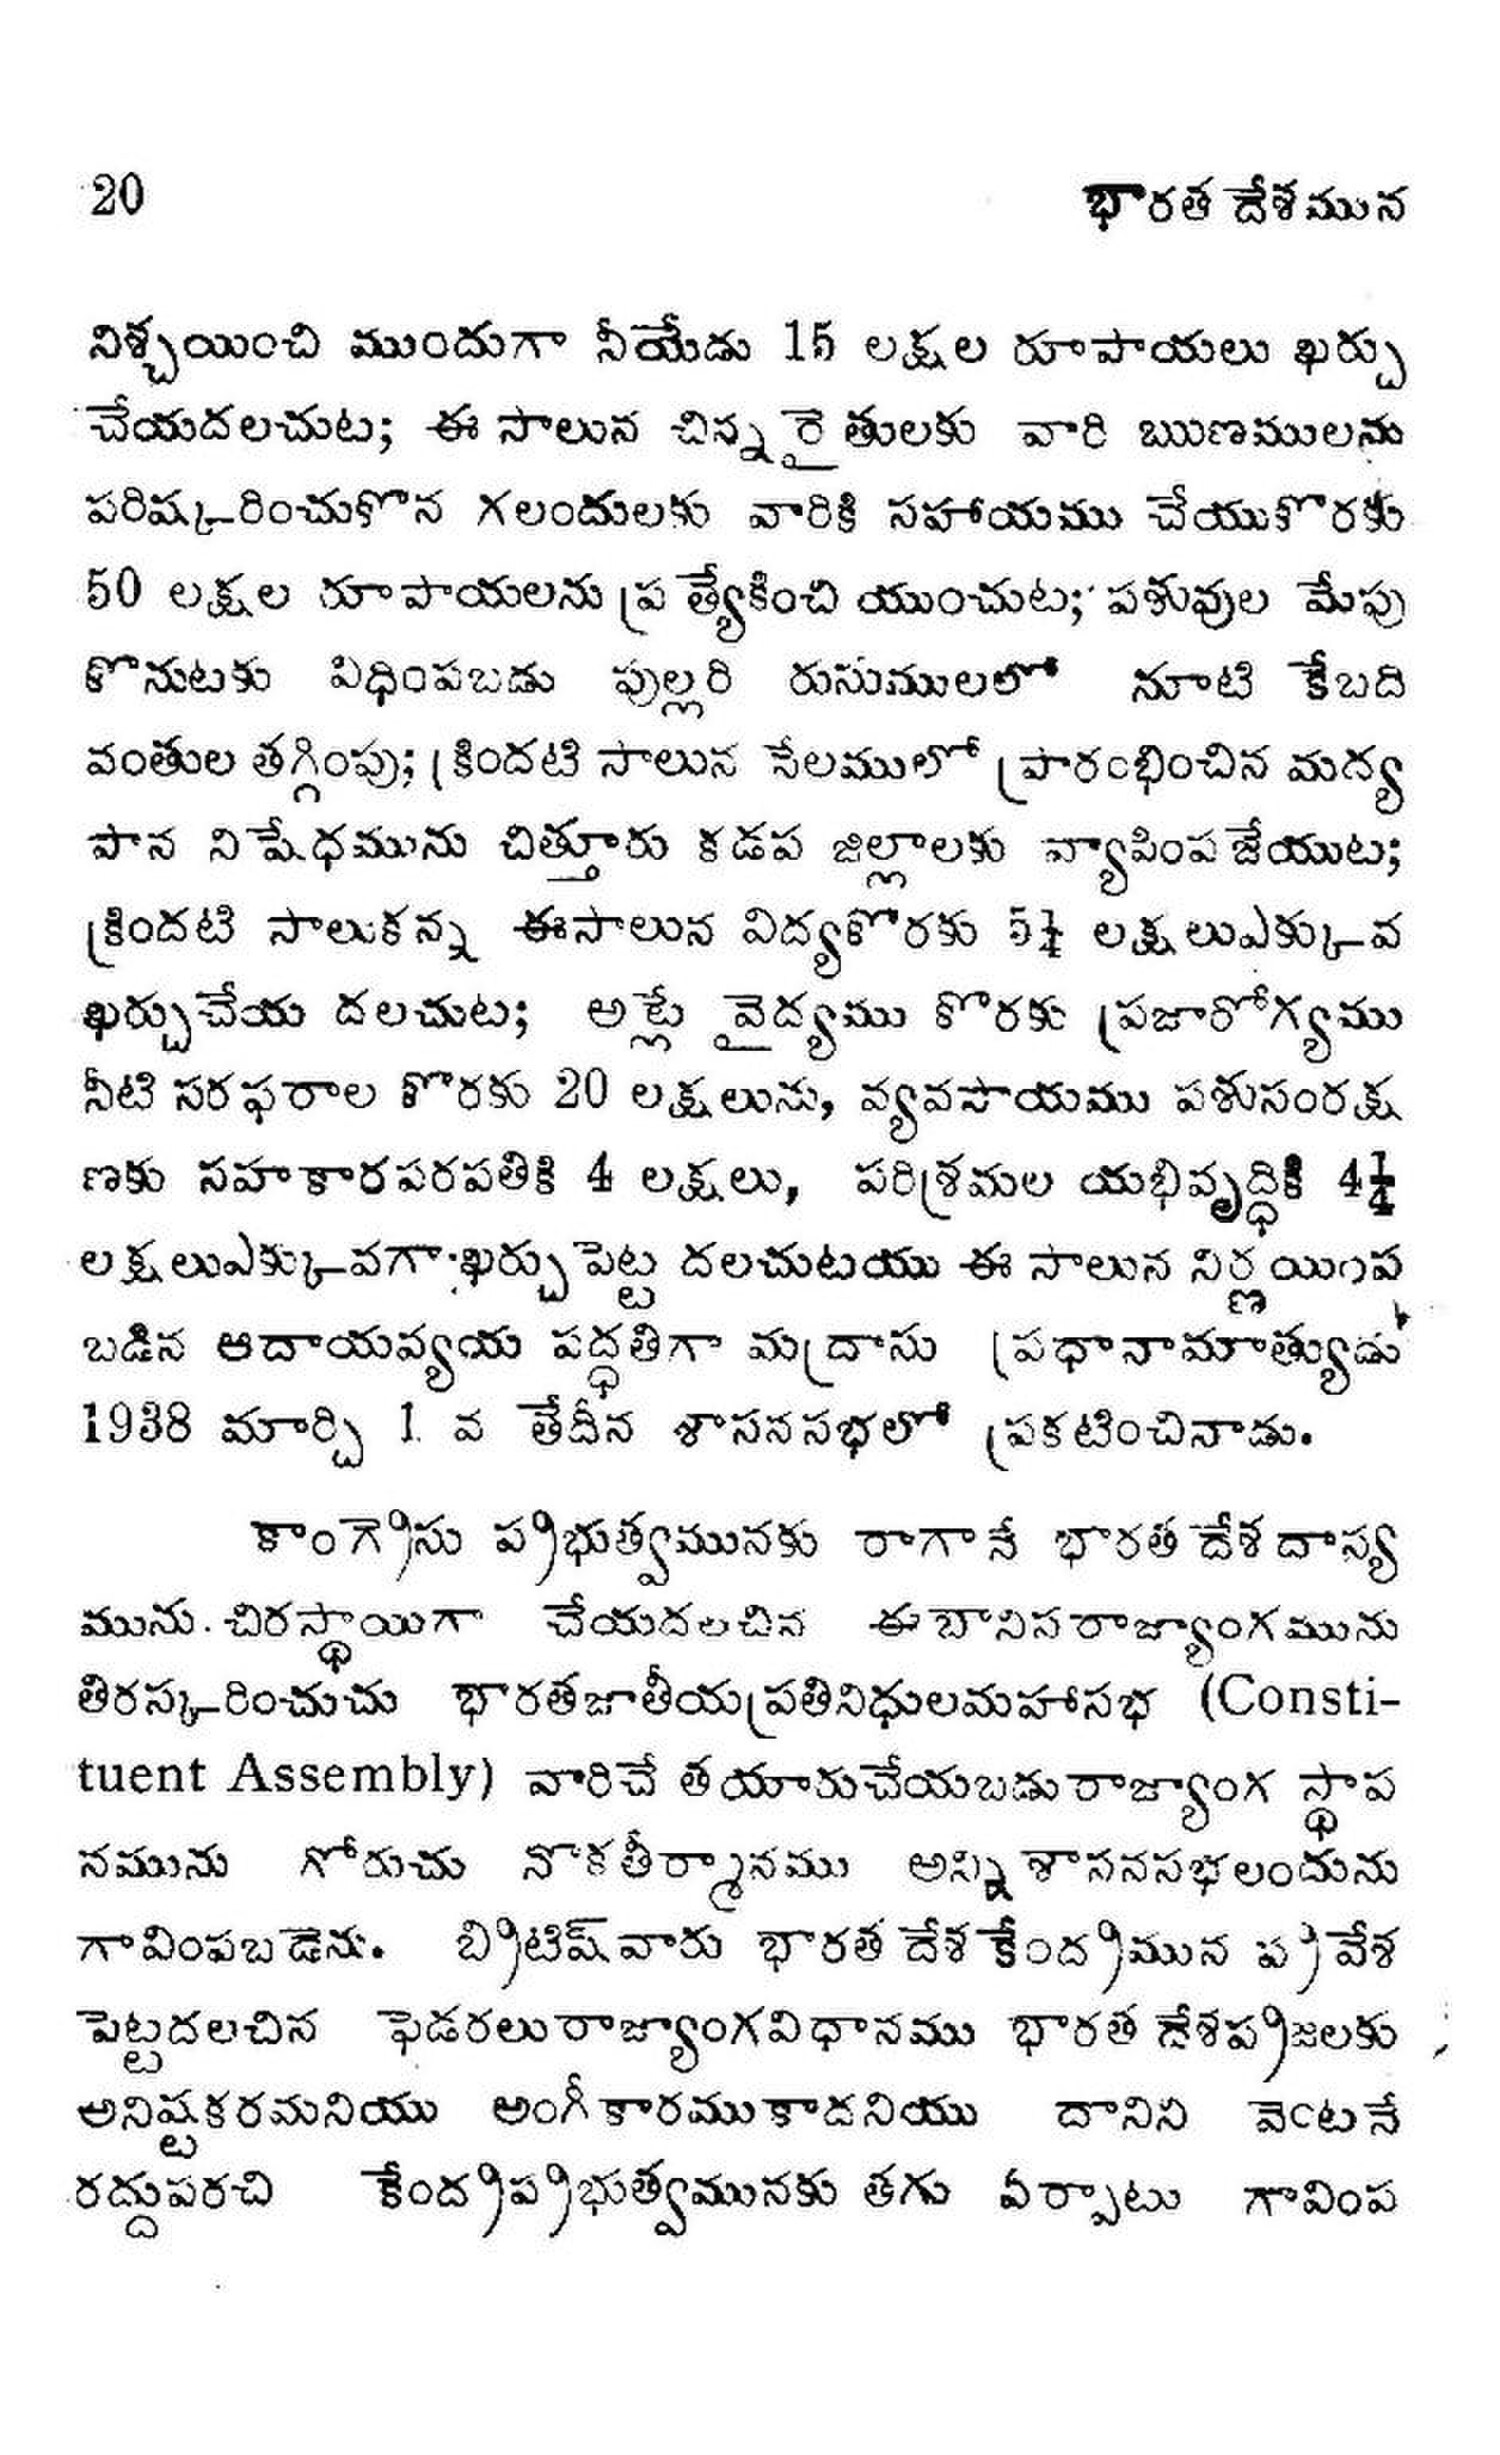నిశ్చయించి ముందుగా నీయేడు 15 లక్షల రూపాయలు ఖర్చు చేయదలచుట; ఈ సాలున చిన్నరైతులకు వారి ఋణములను పరిష్కరించుకొన గలందులకు వారికి సహాయము చేయుకొరకు 50 లక్షల రూపాయలను ప్రత్యేకించి యుంచుట; పశువుల మేపుకొనుటకు విధింపబడు పుల్లరి రుసుములలో నూటి కేబది వంతుల తగ్గింపు; క్రిందటి సాలున సేలములో ప్రారంభించిన మధ్యపాన నిషేధమును చిత్తూరు కడప జిల్లాలకు వ్యాపింపజేయుట; క్రిందటి సాలుకన్న ఈసాలున విద్యకొరకు 5 1/4 లక్షలుఎక్కువ ఖర్చుచేయ దలచుట; అట్లే వైద్యము కొరకు ప్రజారోగ్యము నీటి సరఫరాల కొరకు 20 లక్షలును, వ్యవసాయము పశుసంరక్షణకు సహకారపరపతికి 4 లక్షలు, పరిశ్రమల యభివృద్ధికి 4 1/4 లక్షలుఎక్కువగా ఖర్చుపెట్ట దలచుటయు ఈ సాలున నిర్ణయింపబడిన ఆదాయవ్యయ పద్దతిగా మద్రాసు ప్రధానామాత్యుడు 1938 మార్చి 1 వ తేదీన శాసనసభలో ప్రకటించినాడు.

కాంగ్రెసు ప్రభుత్వమునకు రాగానే భారతదేశ దాస్యమును. చిరస్థాయిగా చేయదలచిన ఈ బానిసరాజ్యాంగమును తిరస్కరించుచు భారతజాతీయప్రతినిధులమహాసభ (Constituent Assembly) వారిచే తయారుచేయబడు రాజ్యాంగ స్థాపనమును గోరుచు నొకతీర్మానము అన్ని శాసనసభలందును గావింపబడెను. బ్రిటిష్‌వారు భారతదేశకేంద్రమున ప్రవేశ పెట్టదలచిన ఫెడరలు రాజ్యూంగవిధానము భారత దేశప్రజలకు , అనిష్టకరమనియు అంగీకారముకాదనియు దానిని వెంటనే రద్దుపరచి కేంద్రప్రభుత్వమునకు తగు ఏర్పాటు గావింప